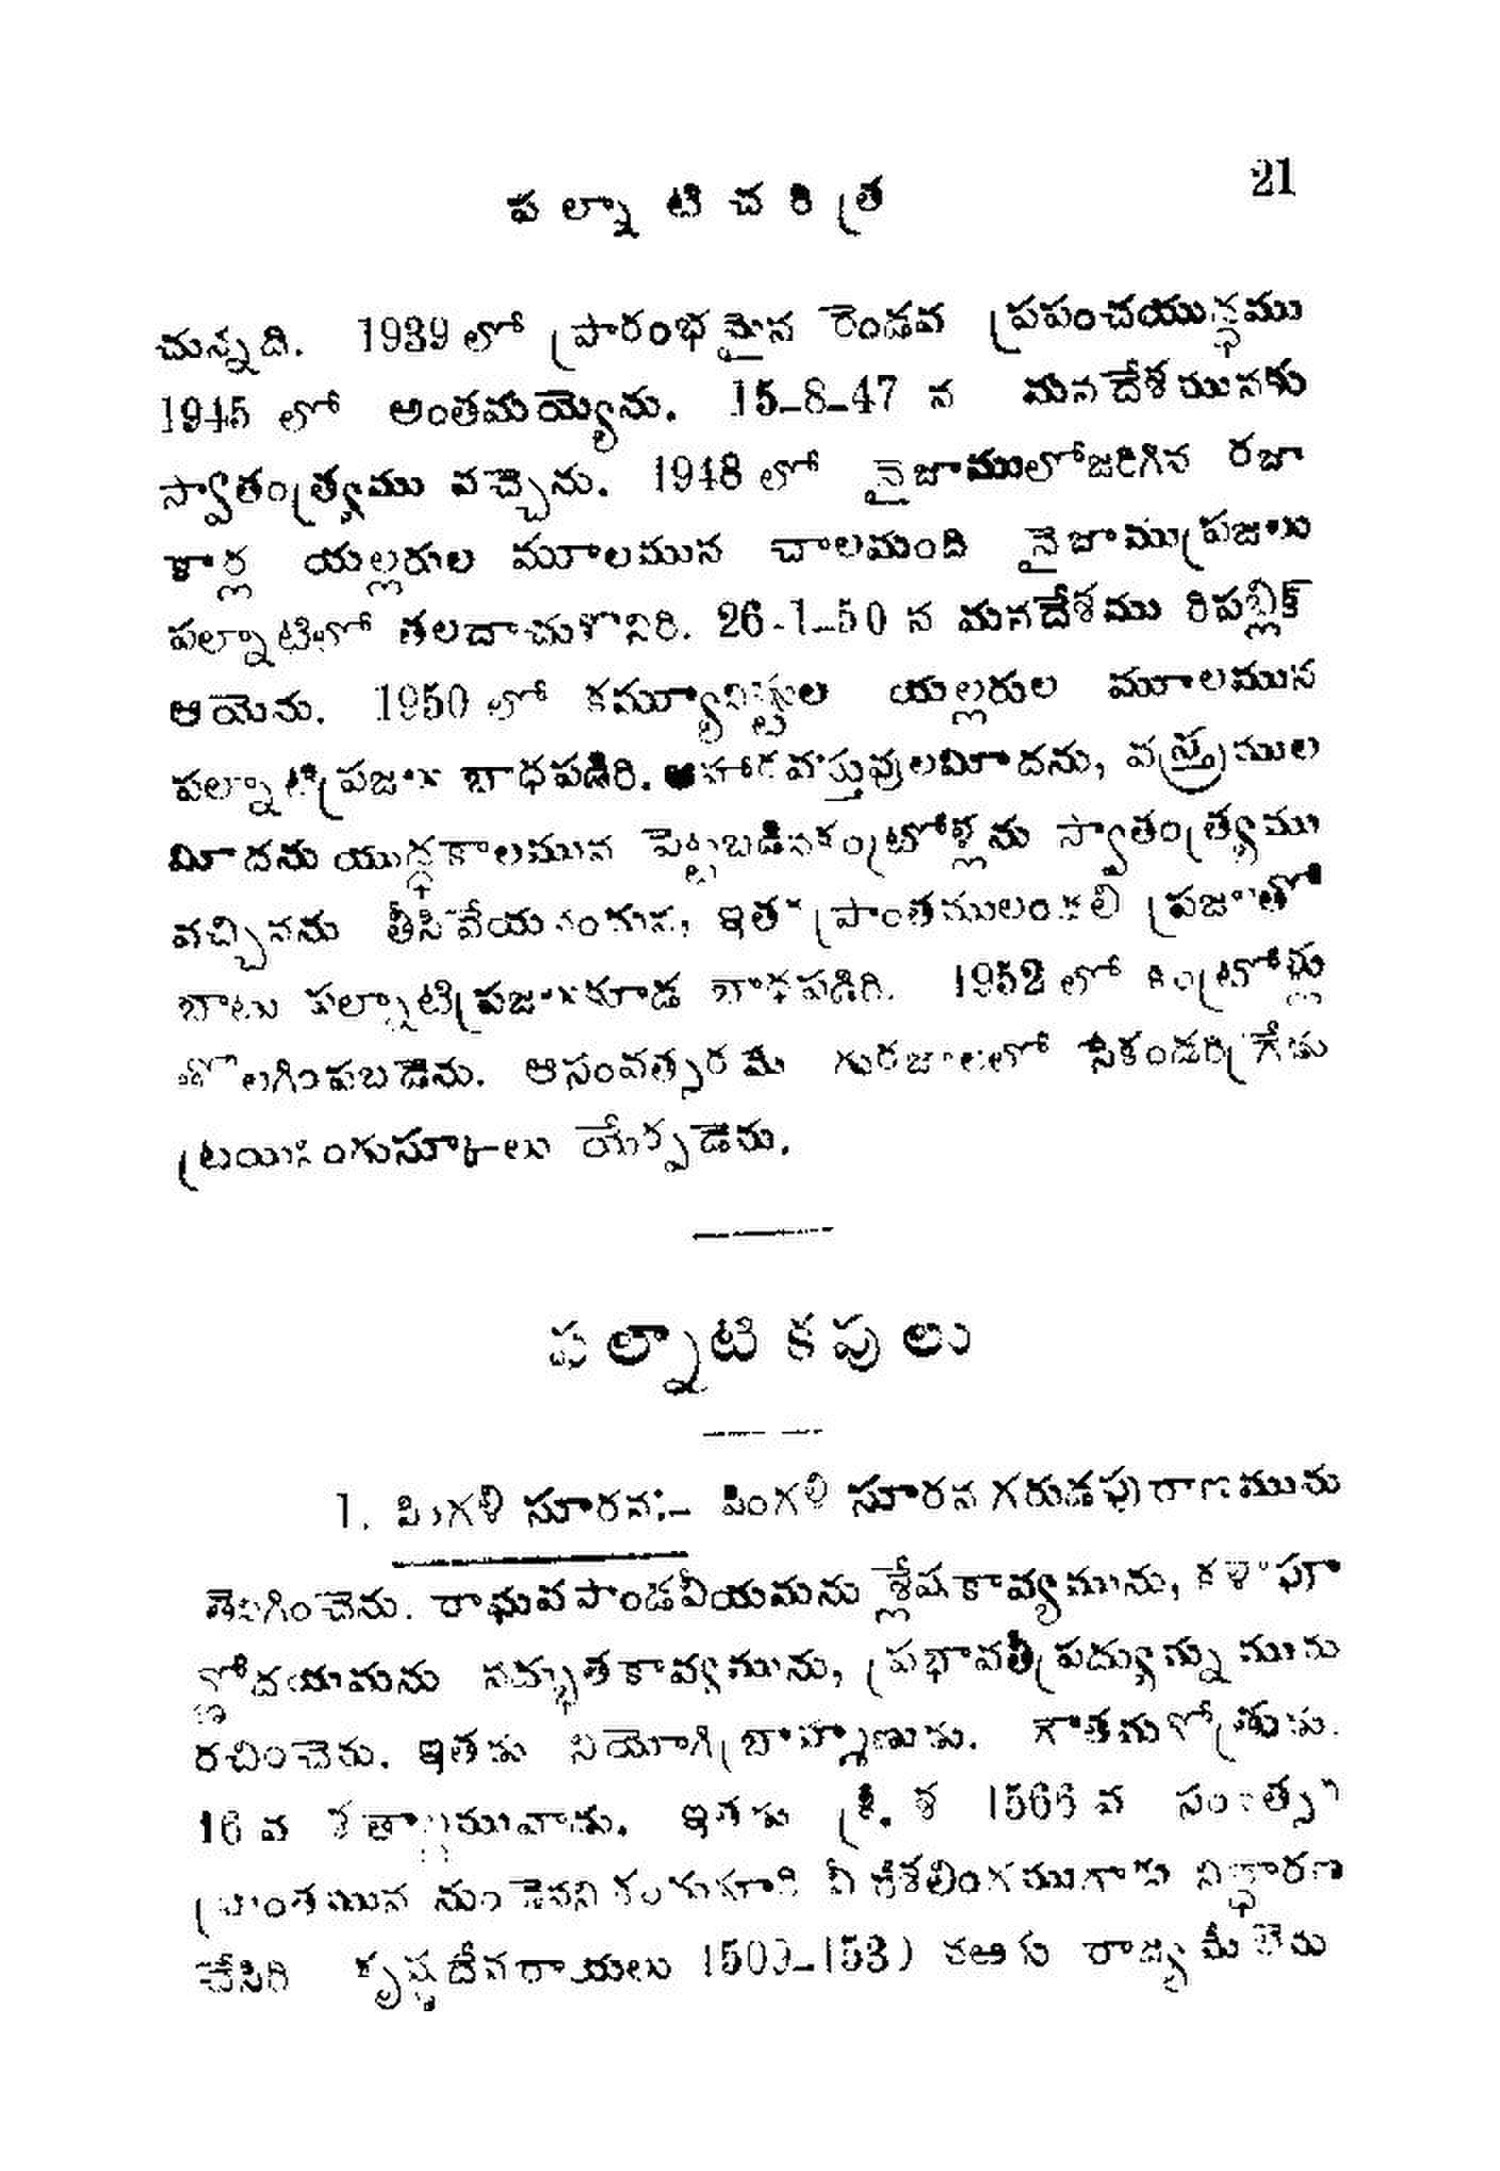చున్నది. 1939 లో ప్రారంభమైన రెండవ ప్రపంచయుద్ధము
1945 లో అంతమయ్యెను. 15–8_47 న మన దేశమునకు
స్వాతంత్య్రము వచ్చెను. 1948 లో నైజాములో జరిగిన రజకార్ల 
యల్లరుల మూలమున చాలమంది నైజాము ప్రజలు
పల్నాటిలో తలదాచుకొనిరి. 26-1-50న మనదేశము రిపబ్లిక్
ఆయెను. 1950 లో కమ్యూనిస్టులు యల్లరుల మూలమున
పల్నాటి ప్రజలు బాధపడిరి. ఆహార వస్తువులమీదను, వస్త్రముల
మీదను యుద్ధకాలమున పెట్టబడిన కంట్రోళ్లను స్వాతంత్య్రము
వచ్చినను తీసివేయనందున ఇతర ప్రాంతములందలి ప్రజలతో
బాటు పల్నాటిప్రజలు కూడ బాధ పడిరి. 1952లో కంట్రోళ్ళు 
తొలగింపబడెను. ఆ సంవత్సరమే గురజాలలో సెకండరిగ్రేడు
ట్రయినింగుస్కూలు యేర్పడెను.

1. పింగళి సూరన:- పింగళి సూరన గరుడపురాణమును
తెనిగించెను. రాఘవ పాండవీయమను శ్లేషకావ్యమును, 
కళాపూ ర్ణోదయమను నద్భుత కావ్యమును, ప్రభావతీ ప్రద్యుమ్నమును 
రచించెను. ఇతడు నియోగి బ్రాహ్మణుడు. గౌతమగోత్రుడు .
16వ శతాబ్దమువాడు, ఇతడు క్రీ.శ 1566వ సంవత్సర 
ప్రాంతయిన నుండెనని కందుకూరి వీరేశలింగముగారు 
నిర్ధారణ చేసిరి కృష్ణదేవరాయలు (1509 -1530) వఱకు రాజ్యమేలెను.